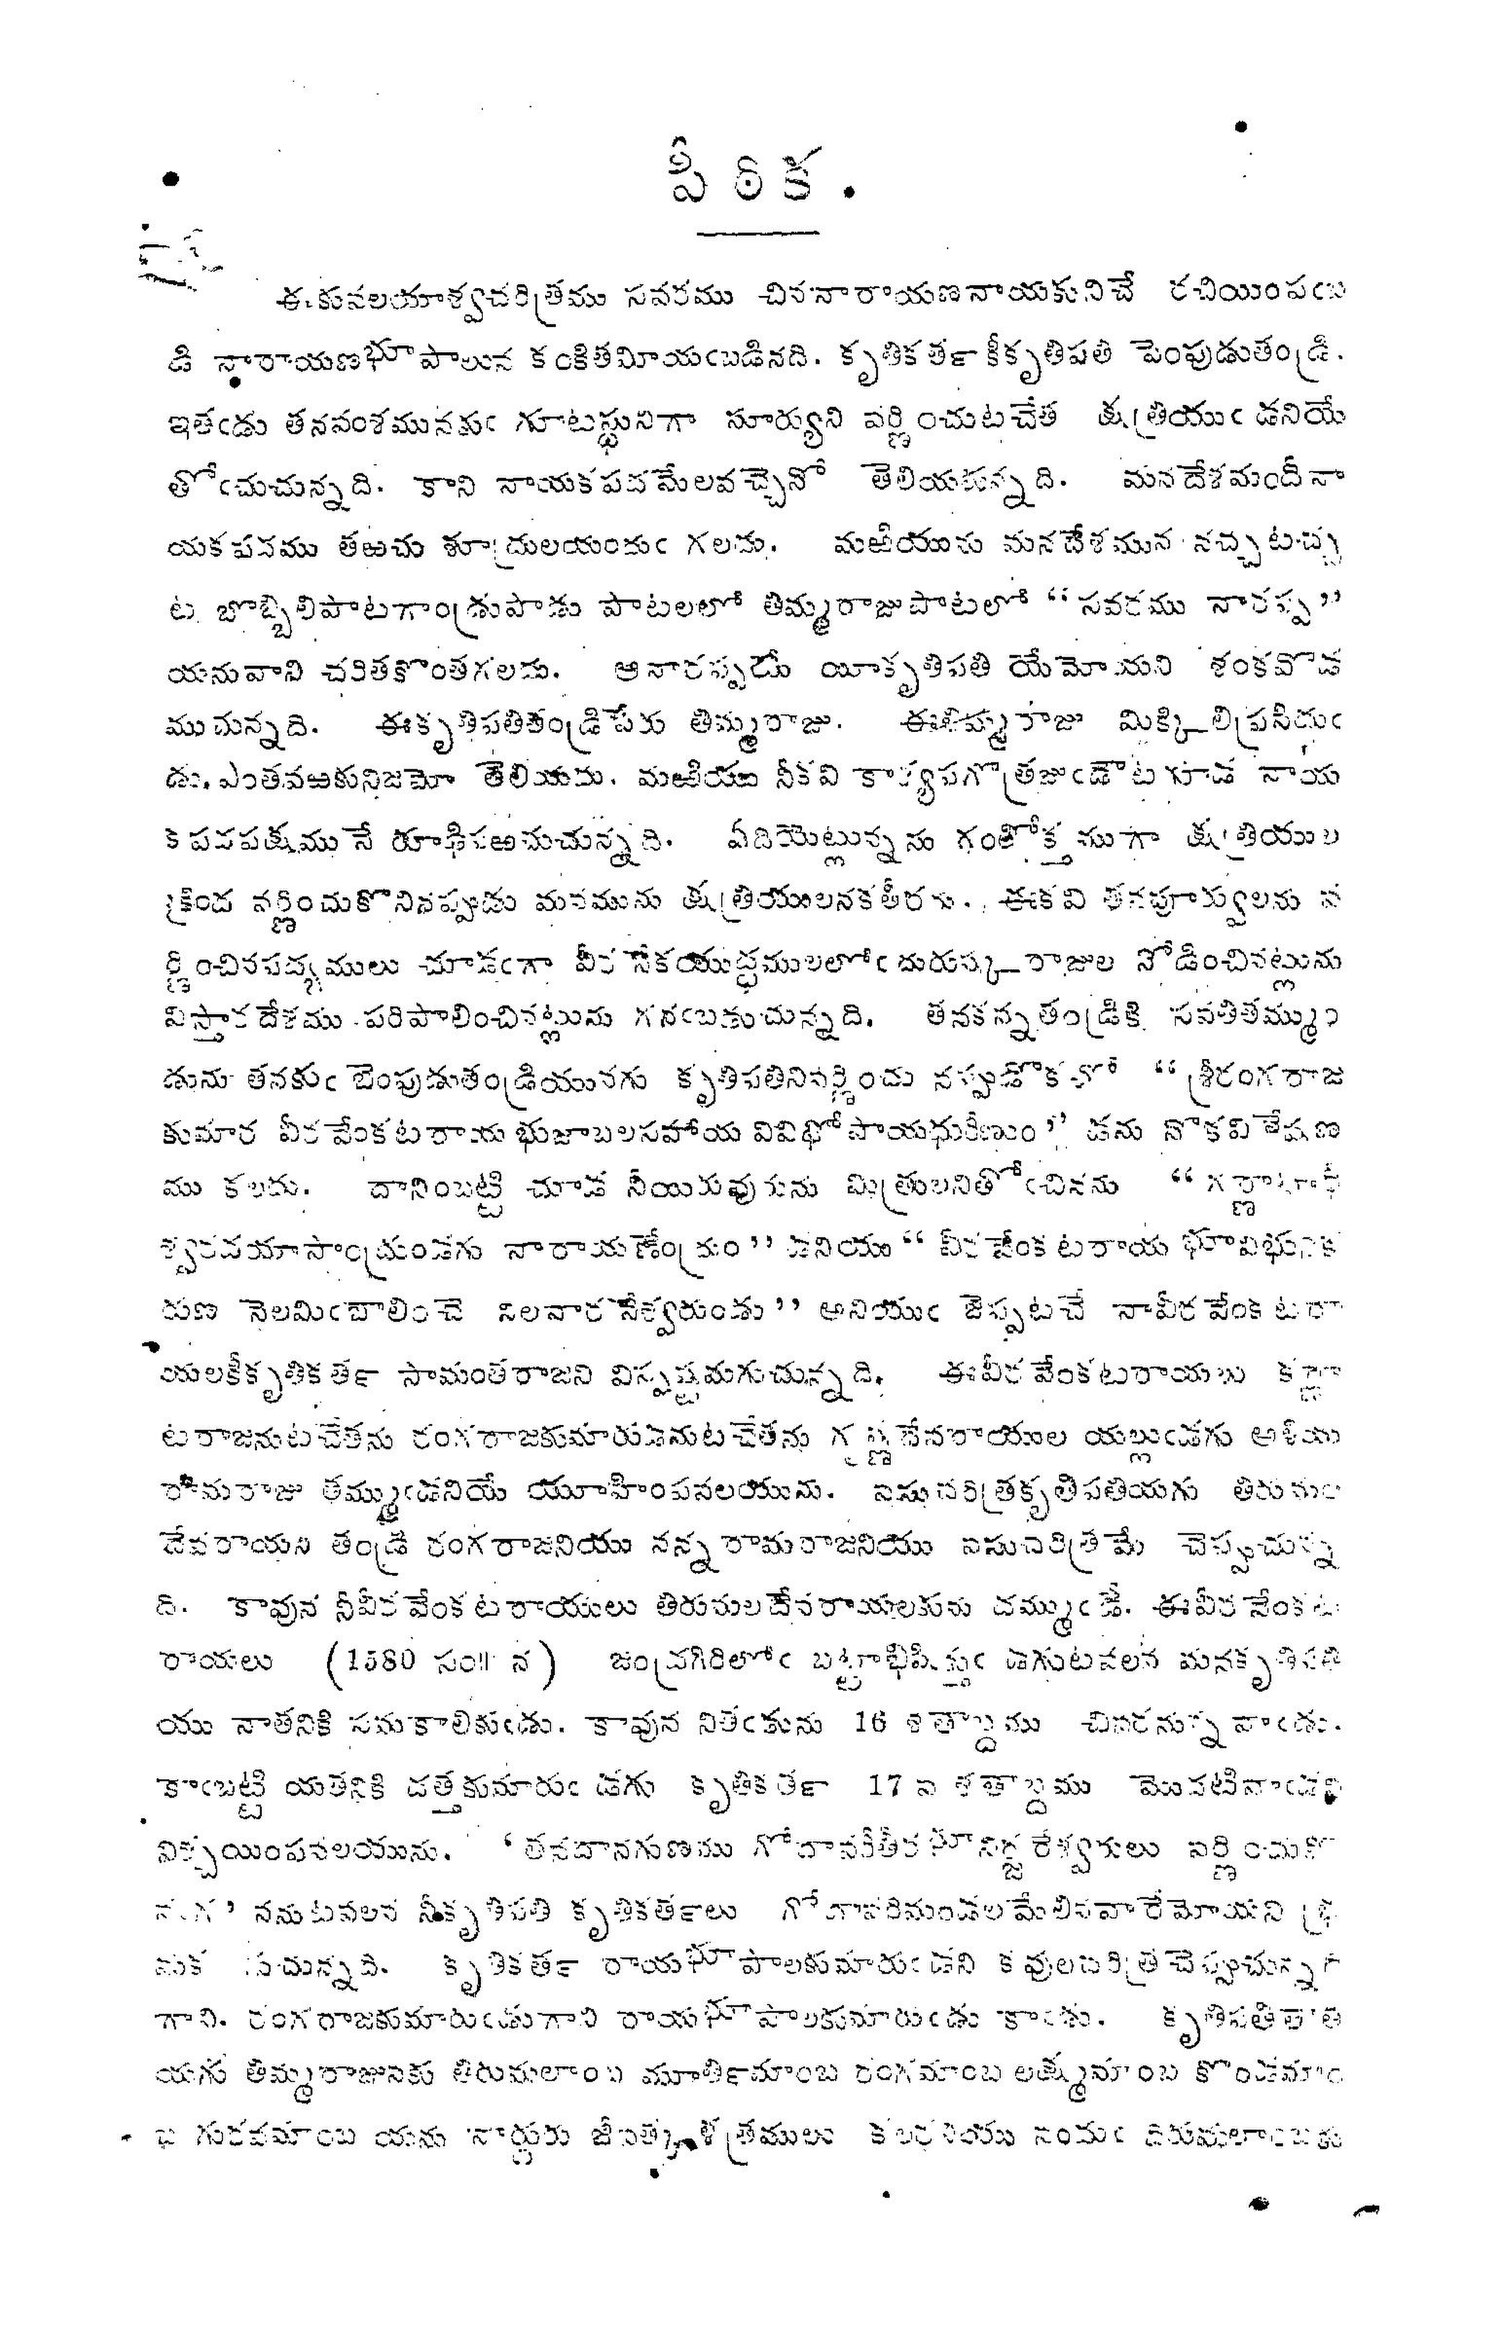పీఠిక

ఈకువలయాశ్వచరిత్రము సవరము చిననారాయణనాయకునిచే రచియింపఁబడి నారాయణభూపాలున కంకితమీయఁబడినది. కృతికర్త కీకృతిపతి పెంపుడుతండ్రి. ఇతఁడు తనవంశమునకుఁ గూటస్థునిగా సూర్యుని వర్ణించుటచేత కు క్షత్రియుఁ డనియే తోఁచుచున్నది. కాని నాయకపద మేల వచ్చెనో తెలియకున్నది. మనదేశమం దీనాయకపదము తఱచు శూద్రులయందుఁ గలదు. మఱియును మనదేశమున నచ్చటచ్చట బొబ్బిలిపాటగాండ్రు పాడు పాటలలో తిమ్మరాజుపాటలో "సవరము నారప్ప" యనువానిచరిత కొంత గలదు. ఆనారప్పడు యీకృతిపతి యేమో యని శంక వొడముచున్నది. ఈ కృతిపతితండ్రిపేరు తిమ్మరాజు. ఈతిమ్మరాజు మిక్కిలిప్రసిద్ధుఁడు. ఎంతవఱకు నిజమో తెలియదు. మఱియు నీకవి కాశ్యపగోత్రజుఁడౌట కూడ నాయకపదపక్షమునే రూఢిపఱచుచున్నది. ఏది యెట్లున్నను గంఠోక్తముగా క్షత్రియులక్రింద వర్ణించుకొనినప్పుడు మనమును క్షత్రియులనక తీరదు . ఈకవి తనపూర్వులను వర్ణించినపద్యములు చూడఁగా వీ రనేకయుద్ధములలోఁ దురుస్కరాజుల నోడించినట్లును విస్తారదేశము పరిపాలించినట్లును గనఁబడుచున్నది. తనకన్నతండ్రికి సవతితమ్ముండును తనకుఁ బెంపుడుతండ్రియునగు కృతిపతిని వర్ణించు నప్పుడొకచో "శ్రీరంగరాజకుమార వీరవేంకటరాయభుజాబలసహాయ వివిధోపాయధురీణుం" డను నొకవిశేషణము కలదు. దానింబట్టి చూడ నీయిరువురును మిత్రులని తోఁచినను "గర్ణాటాధీశ్వరదయాసాంద్రుండగు నారాయణేంద్రుం" డనియు "వీరవేంకటరాయభూవిభుకరుణ నెలమిఁ బాలించె నిల నారనేశ్వరుండు” అనియుఁ జెప్పుటచే నావీరవేంకటరాయల కీకృతికర్త సామంతరాజని విస్పష్టమగుచున్నది. ఈవీరవేంకటరాయలు కర్ణాటరాజనుట చేతను రంగరాజకుమారు డనుటచేతను గృష్ణదేవరాయుల యల్లుఁడగు అళియరామరాజు తమ్ముఁడనియే యూహింపవలయును. వసుచరిత్రకృతిపతియగు తిరుమలదేవరాయని తండ్రి రంగరాజనియు నన్న రామరాజనియు వసుచరిత్రమే చెప్పుచున్నది. కావున నీవీరవేంకటరాయులు తిరుమలదేవరాయలకును దమ్ముఁడే. ఈవీరవేంకటరాయలు
(1580 సం॥ న) జంద్రగిరిలోఁ బట్టాభిషిక్తుఁ డగుటవలన మనకృతిపతియు నాతనికి సమకాలికుఁడు. కావున నితఁడును 16 శతాబ్దము చివర నున్నవాఁడు. కాఁబట్టి యతనికి దత్తకుమారుఁ డగుకృతికర్త 17వ శతాబ్దము మొదటివాఁడని విశ్చయింపవలయును. 'తనదానగుణము గోదావరీతీరభూనిర్జరేశ్వరులు వర్ణించు నొనరఁగ' ననుటవలన నీకృతిపతి కృతికర్తలు గోదావరిరిమండల మేలినవారేమోయని భ్రమ కలుగుచున్నది. కృతికర్త రాయభూపాలకుమారుఁ డని కవులచరిత్ర చెప్పుచున్నది గాని రంగరాజకుమారుఁడుగాని రాయభూపాలకుమారుఁడు కాఁడు. కృతిపతితాత యగు తిమ్మరాజునకు తిరుమలాంబ మూర్తిమాంబ రంగమాంబ లక్ష్మమాంబ కొండమాంబ గురవమాంబ యను నార్గురు జీవత్కళత్రములు కలరనియు నందుఁ దిరుమలాంబకు